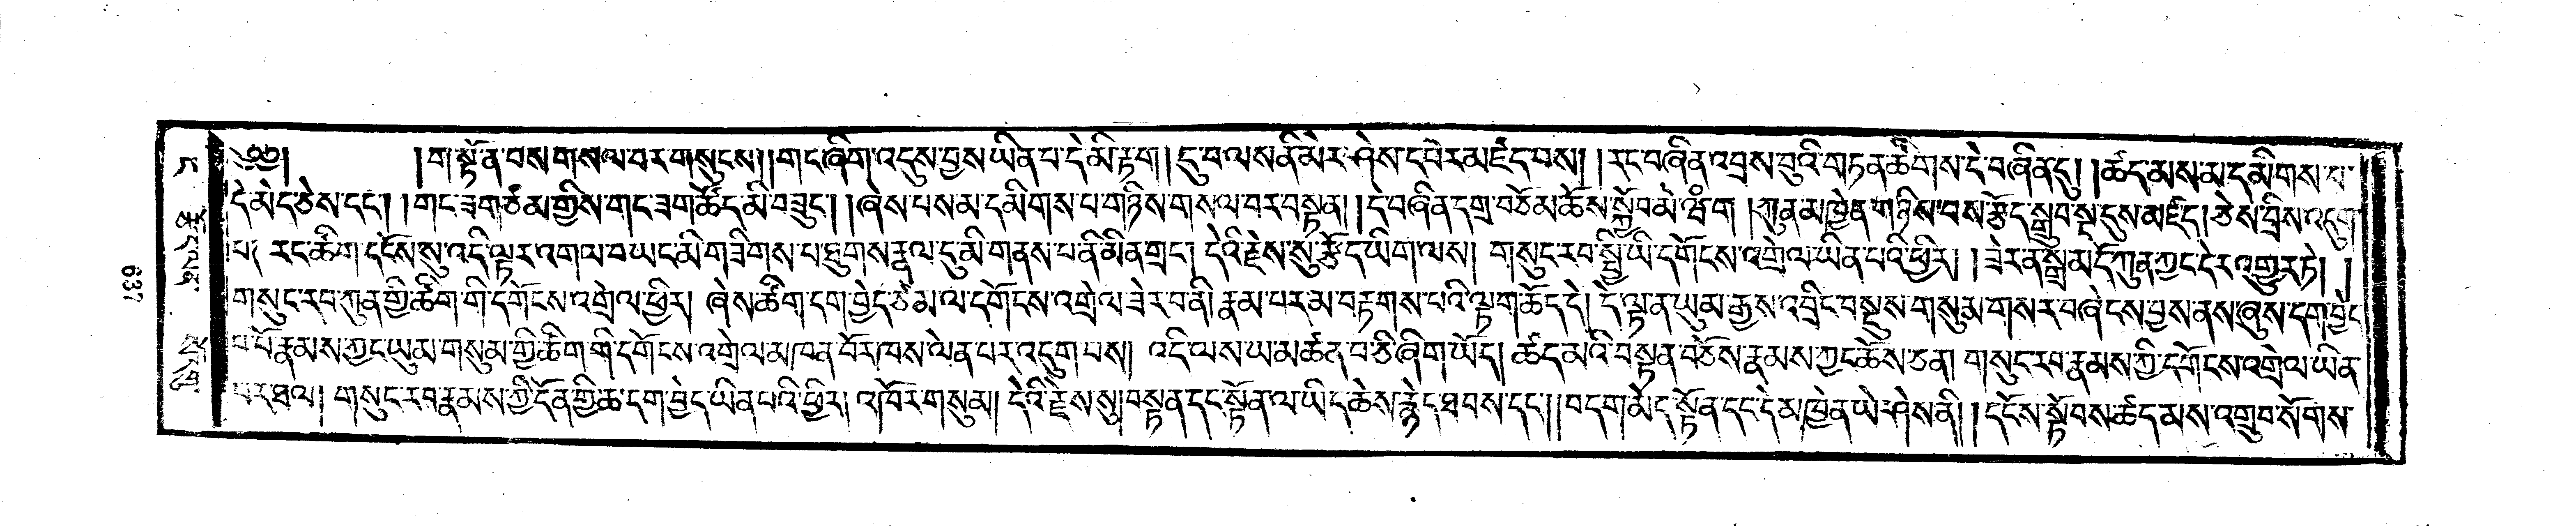༄༅། །ག་སྟོན་པས་གསལ་བར་གསུངས། །གང་ཞིག་འདུས་བྱས་ཡིན་པ་དེ་མི་རྟག །དུ་བ་ལས་ནི་མེར་ཤེས་དཔེར་མཛད་པས། །རང་བཞིན་འབྲས་བུའི་གཏན་ཚིགས་དེ་བཞིན་དུ། །ཚད་མས་མ་དམིགས་པ་
དེ་མེད་ཅེས་དང་། །གང་ཟག་ཙམ་གྱིས་གང་ཟག་ཚོད་མི་བཟུང་། །ཞེས་པས་མ་དམིགས་པ་གཉིས་གསལ་བར་བསྟན། །དེ་བཞིན་དགྲ་བཅོམ་ཆོས་སྐྱོབ་མེ་ཝཾ་ག །ཀུན་མཁྱེན་གཉིས་པས་རྩོད་སྒྲུབ་སྔ་དུས་མཛད། ཅེས་བྲིས་འདུག་
པ༑ རང་ཚིག་དངོས་སུ་འདི་ལྟར་འགལ་བ་ཡང་མི་གཟིགས་པ་ཐུགས་རྣལ་དུ་མི་གནས་པ་ནི་མིན་གྲང་། དེའི་རྗེས་སུ་རྩོད་ཡིག་ལས། གསུང་རབ་སྤྱི་ཡི་དགོངས་འགྲེལ་ཡིན་པའི་ཕྱིར། །ཟེར་ན་སྒྲ་མདོ་ཀུན་ཀྱང་དེར་འགྱུར་ཏེ། །
གསུང་རབ་ཀུན་གྱི་ཚིག་གི་དགོངས་འགྲེལ་ཕྱིར། ཞེས་ཚིག་དག་བྱེད་ཙམ་ལ་དགོངས་འགྲེལ་ཟེར་བ་ནི། རྣམ་པར་མ་བརྟགས་པའི་ལྟག་ཆོད་དེ། དེ་ལྟ་ན་ཡུམ་རྒྱས་འབྲིང་བསྡུས་གསུམ་གསར་བཞེངས་བྱས་ནས་ཞུས་དག་བྱེད་
པ་པོ་རྣམས་ཀྱང་ཡུམ་གསུམ་གྱི་ཚིག་གི་དགོངས་འགྲེལ་མཁན་པོར་ཁས་ལེན་པར་འདུག་པས། འདི་ལས་ཡ་མཚན་པ་ཅི་ཞིག་ཡོད། ཚད་མའི་བསྟན་བཅོས་རྣམས་ཀྱང་ཆོས་ཅན། གསུང་རབ་རྣམས་ཀྱི་དགོངས་འགྲེལ་ཡིན་
པར་ཐལ། གསུང་རབ་རྣམས་ཀྱི་དོན་གྱི་ཆ་དག་བྱེད་ཡིན་པའི་ཕྱིར། འཁོར་གསུམ། དེའི་རྗེས་སུ། བསྟན་དང་སྟོན་ལ་ཡིད་ཆེས་རྙེད་ཐབས་དང་། །བདག་མེད་སྟོན་དང་དེ་མཁྱེན་ཡེ་ཤེས་ནི། །དངོས་སྟོབས་ཚད་མས་འགྲུབ་སོགས་